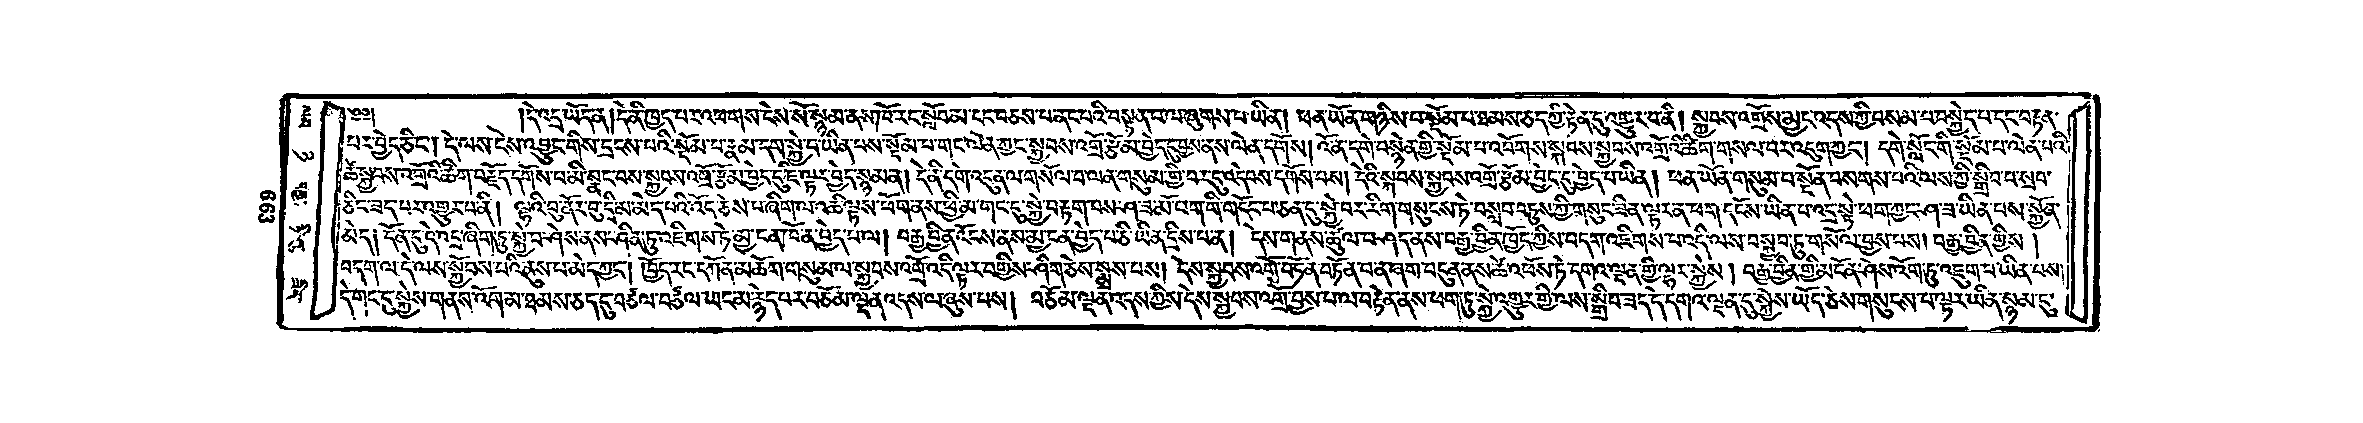༄༅། །དེ་འདྲ་ཡོད་ན། དེ་ནི་ཁྱད་པར་འཕགས་ངེས་སོ་སྙམ་ནས་ཁོ་རང་སློབ་མ་དང་བཅས་པ་ནང་པའི་བསྟན་པ་ལ་ཞུགས་པ་ཡིན། ཕན་ཡོན་གཉིས་པ་སྡོམ་པ་ཐམས་ཅད་ཀྱི་རྟེན་དུ་འགྱུར་བ་ནི། སྐྱབས་འགྲོས་མྱང་འདས་ཀྱི་བསམ་པ་བསྐྱེད་པ་དང་བརྟན་
པར་བྱེད་ཅིང་། དེ་ལས་ངེས་འབྱུང་གིས་དྲངས་པའི་སྡོམ་པ་རྣམ་དག་སྐྱེ་བ་ཡིན་པས་སྡོམ་པ་གང་ལེན་ཀྱང་སྐྱབས་འགྲོ་རྩོམ་བྱེད་དུ་བྱས་ནས་ལེན་དགོས། འོ་ན་དགེ་བསྙེན་གྱི་སྡོམ་པ་འབོགས་སྐབས་སྐྱབས་འགྲོའི་ཚིག་གསལ་བར་འདུག་ཀྱང་། དགེ་སློང་གི་སྡོམ་པ་ལེན་པའི་
ཚེ་སྐྱབས་འགྲོའི་ཚིག་བརྗོད་དགོས་པ་མི་སྣང་བས་སྐྱབས་འགྲོ་རྩོམ་བྱེད་དུ་ཇི་ལྟར་བྱེད་སྙམ་ན། དེ་ནི་དགེ་འདུན་ལ་གསོལ་བ་ལན་གསུམ་གྱི་བར་དུ་འདེབས་དགོས་པས། དེའི་སྐབས་སྐྱབས་འགྲོ་རྩོམ་བྱེད་དུ་བྱེད་པ་ཡིན། ཕན་ཡོན་གསུམ་པ་སྔོན་བསགས་པའི་ལས་ཀྱི་སྒྲིབ་པ་སྲབ་
ཅིང་ཟད་པར་འགྱུར་པ་ནི། ལྷའི་བུ་ནོར་བུ་དྲི་མ་མེད་པའི་འོད་ཅེས་པ་ཞིག་ལ་འཆི་ལྟས་ཕོག་ནས་ཕྱི་མ་གང་དུ་སྐྱེ་བརྟག་པས་ཤ་ཟ་མོ་ཕག་གི་གདོང་པ་ཅན་དུ་སྐྱེ་བར་རིག་གསུངས་ཏེ་བསླབ་བཏུས་ཀྱི་གསུང་ཟིན་ལྟར་ན་ཕག་དངོས་ཡིན་པ་འདྲ་སྟེ་ཕག་ཀྱང་ཤ་ཟ་ཡིན་པས་སྐྱོན་
མེད། དོན་དུ་དེ་འདྲ་ཞིག་ཏུ་སྐྱེ་བ་ཤེས་ནས་ཤིན་ཏུ་འཇིགས་ཏེ་མྱ་ངན་ཁོ་ན་བྱེད་པ་ལ། བརྒྱ་བྱིན་འོངས་ནས་མྱ་ངན་བྱེད་པ་ཅི་ཡིན་དྲིས་པ་ན། དེས་གནས་ཚུལ་བཤད་ནས་བརྒྱ་བྱིན་ཁྱོད་ཀྱིས་བདག་འཇིགས་པ་འདི་ལས་བསྐྱབ་ཏུ་གསོལ་བྱས་པས། བརྒྱ་བྱིན་གྱིས།
བདག་ལ་དེ་ལས་སྐྱོབས་པའི་ནུས་པ་མེད་ཀྱང་། ཁྱོད་རང་དཀོན་མཆོག་གསུམ་ལ་སྐྱབས་འགྲོ་འདི་ལྟར་བགྱིས་ཤིག་ཅེས་སྨྲས་པས། དེས་སྐྱབས་འགྲོ་བཏོན་བཏོན་པ་ན་ཞག་བདུན་ནས་ཚེ་འཕོས་ཏེ་དགའ་ལྡན་གྱི་ལྷར་སྐྱེས། བརྒྱ་བྱིན་གྱི་མངོན་ཤེས་འོག་ཏུ་འཇུག་པ་ཡིན་པས་
དེ་གང་དུ་སྐྱེས་གནས་འོག་མ་ཐམས་ཅད་དུ་བཙལ་བཙལ་ཡང་མ་རྙེད་པར་བཅོམ་ལྡན་འདས་ལ་ཞུས་པས། བཅོམ་ལྡན་འདས་ཀྱིས་དེས་སྐྱབས་འགྲོ་བྱས་པ་ལ་བརྟེན་ནས་ཕག་ཏུ་སྐྱེ་འགྱུར་གྱི་ལས་སྒྲིབ་ཟད་དེ་དགའ་ལྡན་དུ་སྐྱེས་ཡོད་ཅེས་གསུངས་པ་ལྟར་ཡིན་སྙམ་དུ་